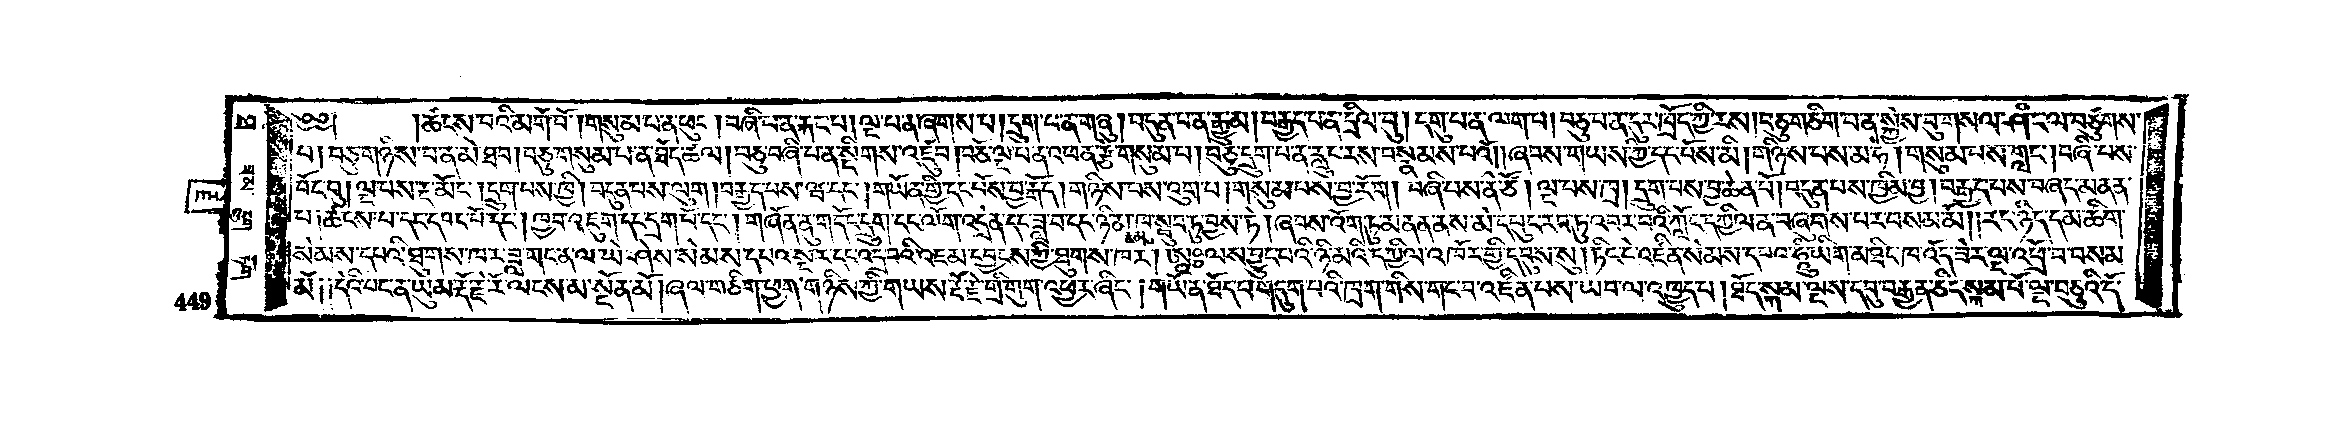༄༅། །ཚངས་པའི་མགོ་བོ། གསུམ་པ་ན་ཕུང་། བཞི་པ་ན་རྐང་པ། ལྔ་པ་ན་ཞགས་པ། དྲུག་པ་ན་གཞུ། བདུན་པ་ན་རྒྱུ་མ། བརྒྱད་པ་ན་དྲིལ་བུ། དགུ་པ་ན་ལག་པ། བཅུ་པ་ན་དུར་ཁྲོད་ཀྱི་རས། བཅུ་གཅིག་པ་ན་སྐྱེས་བུ་གསལ་ཤིང་ལ་བཙུགས་
པ། བཅུ་གཉིས་པ་ན་མེ་ཐབ། བཅུ་གསུམ་པ་ན་ཐོད་ཚལ། བཅུ་བཞི་པ་ན་སྡིགས་འཛུབ། བཅོ་ལྔ་པ་ན་འཕན་རྩེ་གསུམ་པ། བཅུ་དྲུག་པ་ན་རླུང་རས་བསྣམས་པའོ། །ཞབས་གཡས་ཀྱི་དང་པོས་མི། གཉིས་པས་མ་ཧེ། གསུམ་པས་གླང་། བཞི་པས་
བོང་བུ། ལྔ་པས་རྔ་མོང་། དྲུག་པས་ཁྱི། བདུན་པས་ལུག །བརྒྱད་པས་ཝ་དང་། གཡོན་གྱི་དང་པོས་བྱ་རྒོད། གཉིས་པས་འུག་པ། གསུམ་པས་བྱ་རོག །བཞི་པས་ནེ་ཙོ། ལྔ་པས་ཁྲ། དྲུག་པས་བྱ་ཆེན་པོ། བདུན་པས་ཁྱིམ་བྱ། བརྒྱད་པས་བཞད་མནན་
པ། ཚངས་པ་དང་དབང་པོ་དང་། ཁྱབ་འཇུག་དང་དྲག་པོ་དང་། གཞོན་ནུ་གདོང་དྲུག་དང་ལོག་འདྲེན་དང་ཟླ་བ་དང་ཉི་མ་རྣམས་ཁ་སྦུབ་ཏུ་བྱས་ཏེ། ཞབས་འོག་ཏུ་མནན་ནས་མེ་དཔུང་རབ་ཏུ་འབར་བའི་ཀློང་དཀྱིལ་ན་བཞུགས་པར་བསམ་མོ། །རང་ཉིད་དམ་ཚིག་
སེམས་དཔའི་ཐུགས་ཁར་ཟླ་གང་ན་ལ་ཡེ་ཤེས་སེམས་དཔའ་སྔར་དང་འདྲ་བའི་འཇམ་དབྱངས་ཀྱི་ཐུགས་ཁར། ཨཱཿ ལས་བྱུང་བའི་ཉི་མའི་དཀྱིལ་འཁོར་གྱི་དབུས་སུ། ཏིང་ངེ་འཛིན་སེམས་དཔའ་ཧཱུཾ་ཡིག་མཐིང་ཁ་འོད་ཟེར་ལྔ་འཕྲོ་བ་བསམ་
མོ། །དེའི་པང་ན་ཡུམ་རྡོ་རྗེ་རོ་ལངས་མ་སྔོན་མོ། ཞལ་གཅིག་ཕྱག་གཉིས་ཀྱི་གཡས་རྡོ་རྗེ་གྲི་གུག་འཕྱར་ཞིང་། གཡོན་ཐོད་པ་གདུག་པའི་ཁྲག་གིས་གང་བ་འཛིན་པས་ཡབ་ལ་འཁྱུད་པ། ཐོད་སྐམ་ལྔས་དབུ་བརྒྱན་ཅིང་སྐམ་པོ་ལྔ་བཅུའི་དོ་